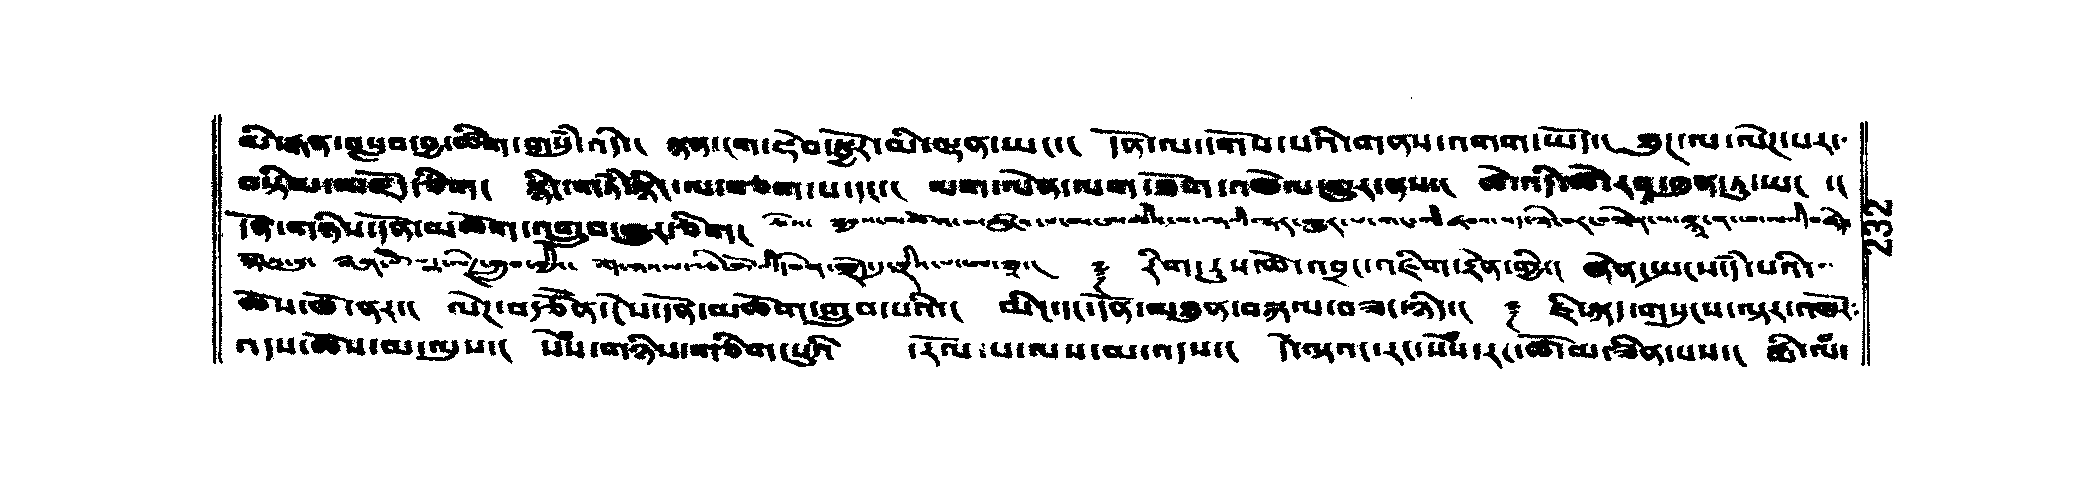།མི་རྒན་བསླབ་བྱ་ཚིག་གསུམ་འདི། །སྙན་ངག་སྡེབ་སྦྱོར་མི་ལྡན་ཡང་། །དོན་ལ་དགོས་པའི་གནད་འགག་ཡོད། །ཐུགས་ལ་ལེགས་པར་
བསྟིམ་མཛོད་ཅིག །སྙིང་གཏམ་སྙིང་ལ་བཅགས་པ་དང་། །ལག་ལེན་ལག་ཐོག་འཁེལ་གྱུར་ནས། །ཚེ་འདི་ཚེ་རབས་ཀུན་ཏུ་ཡང་། །
དོན་གཉིས་དོན་མཆོག་འགྲུབ་གྱུར་ཅིག ། ཅེས་སྐྱབས་མཆོག་མཚུངས་པ་མ་མཆིས་པ་ལྷའི་ལྷར་གྱུར་པ་གང་གི་ཞབས་པད་ཉེ་བར་སྟེན་པ་ཛྙཱ་ན་བ་ཡི་བཞེད་
སྐོངས་སུ། རྒན་པོ་པདྨ་ལེགས་གྲུབ་ཀྱིས། འོད་གསལ་རྩེ་མོའི་དདེན་ཁྲོད་དུ་བྲིས་པ་། ། ༈ རིགས་རུས་ཆོ་འབྲང་འཇིག་རྟེན་གྱི། །ཞེན་སྤངས་དམ་པའི་
ཆོས་ཁོ་ནར། །ལེགས་བརྩོན་ངེས་དོན་མཆོག་གྲུབ་པའི། །མིང་དང་དོན་མཐུན་བསྐལ་བཟང་ཉིད། ༈ ཇི་སྐད་གསུངས་ལྟར་འཁོར་
འདས་ཆོས་མ་ལུས། །སེམས་ཉིད་གཅིག་པུའི་རོལ་པ་ལས་མ་འདས། །དེ་ལྟའང་རང་སེམས་རང་ཚོད་མ་ཟིན་པས། །རྨི་ལམ་